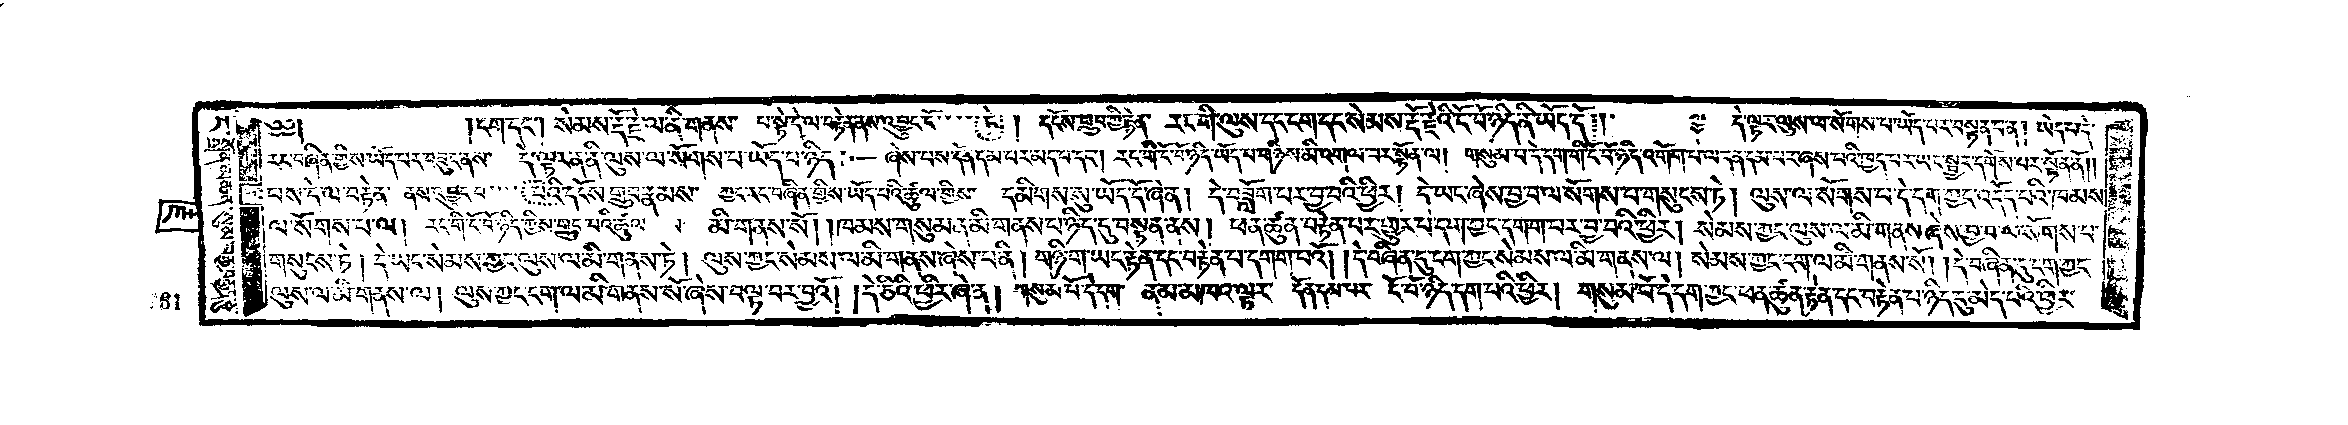༄༅། །ངག་དང་། སེམས་རྡོ་རྗེ་ལ་ནི་གནས་པ་སྟེ་དེ་ལ་བརྟེན་ནས་འབྱུང་ངོ་ཏེ། དངོས་གྲུབ་ཀྱི་རྟེན་རང་གི་ལུས་དང་ངག་དང་སེམས་རྡོ་རྗེའི་ངོ་བོ་ཉིད་ནི་ཡོད་དོ། ༈ དེ་ལྟར་ལུས་ལ་སོགས་པ་ཡོད་པར་བསྟན་པ་ན། ཡོད་པ་དེ་
རང་བཞིན་གྱིས་ཡོད་པར་བཟུང་ནས་དེ་ལྟར་ན་ནི་ལུས་ལ་སོགས་པ་ཡོད་པ་ཉིད་H.་ཞེས་པས་དོན་དམ་པར་མེད་པ་དང་། རང་གི་ངོ་བོ་ཉིད་ཡོད་པ་གཉིས་མི་འགལ་བར་སྟོན་ལ། གསུམ་པ་དེ་དག་གི་ངོ་བོ་ཉིད་འགོག་པ་ལ་དོན་དམ་པར་ཞེས་པའི་ཁྱད་པར་ཡང་སྦྱར་དགོས་པར་སྟོན་ནོ།།
པས་དེ་ལ་བརྟེན་ནས་འབྱུང་བ་པའི་དངོས་གྲུབ་རྣམས་ཀྱང་རང་བཞིན་གྱིས་ཡོད་པའི་ཚུལ་གྱིས་དམིགས་སུ་ཡོད་དོ་ཞེ་ན། དེ་བཟློག་པར་བྱ་བའི་ཕྱིར། དེ་ཡང་ཞེས་བྱ་བ་ལ་སོགས་པ་གསུངས་ཏེ། ལུས་ལ་སོགས་པ་དེ་དག་ཀྱང་འདོད་པའི་ཁམས་
ལ་སོགས་པ་ལ། རང་གི་ངོ་བོ་ཉིད་ཀྱིས་གྲུབ་པའི་ཚུལ་གྱིས་མི་གནས་སོ། །ཁམས་གསུམ་ན་མི་གནས་པ་ཉིད་དུ་བསྟན་ནས། ཕན་ཚུན་བརྟེན་པར་གྱུར་པ་དག་ཀྱང་དགག་པར་བྱ་བའི་ཕྱིར། སེམས་ཀྱང་ལུས་ལ་མི་གནས་ཞེས་བྱ་བ་ལ་སོགས་པ་
གསུངས་ཏེ། དེ་ཡང་སེམས་ཀྱང་ལུས་ལ་མི་གནས་ཏེ། ལུས་ཀྱང་སེམས་ལ་མི་གནས་ཞེས་པ་ནི། གཉི་ག་ཡང་རྟེན་དང་བརྟེན་པ་དགག་པའོ། །དེ་བཞིན་དུ་ངག་ཀྱང་སེམས་ལ་མི་གནས་ལ། སེམས་ཀྱང་ངག་ལ་མི་གནས་སོ། །དེ་བཞིན་དུ་ངག་ཀྱང་ལུས་ལ་མི་གནས་ལ།
ལུས་ཀྱང་ངག་ལ་མི་གནས་སོ་ཞེས་བལྟ་བར་བྱའོ། །དེ་ཅིའི་ཕྱིར་ཞེ་ན། གསུམ་པོ་དེ་དག་ནམ་མཁའ་ལྟར་དོན་དམ་པར་ངོ་བོ་ཉིད་དག་པའི་ཕྱིར། གསུམ་པོ་དེ་དག་ཀྱང་ཕན་ཚུན་རྟེན་དང་བརྟེན་པ་ཉིད་དུ་མེད་པའི་ཕྱིར་